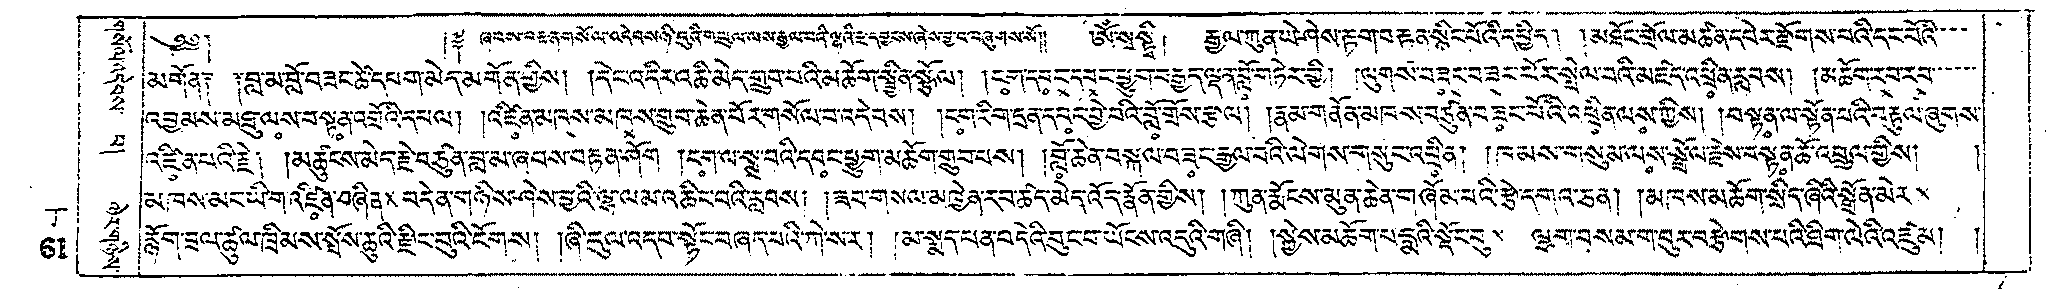༄༅། ། འ་ཞབས་བརྟན་གསོལ་འདེབས་ཉི་བུའི་གཡུལ་ལས་རྒྱལ་བའི་ལྷའི་རྔ་དབྱངས་ཞེས་བྱ་བ་བཞུགས་སོ།།  ཨོཾ་སྭསྟྭི། རྒྱལ་ཀུན་ཡེ་ཤེས་རྟག་བརྟན་སྙིང་པོའི་དཔྱིད། །མཐོང་གྲོལ་མཚན་དཔེར་རྫོགས་པའི་དང་པོའི་་་
མགོན༑ ༑བླ་མ་བློ་བཟང་ཚེ་དཔག་མེད་མགོན་གྱིས། །དེང་འདིར་འཆི་མེད་གྲུབ་པའི་མཆོག་སྦྱིན་སྩོལ། །ངག྾་དབང྾྾་དབང྾྾་ཕྱུག་བརྒྱད་ལྡན་བློ྾་གཏེར་གྱི། །ལུགས་བཟང྾྾་བཟང྾྾་པོར་སྤེལ་བའི་མཛད་འཕྲིན྾་རླབས། །མཆོག་རབ྾་རབ྾་་་
འབྱམས་མཐུ་ལས྾་བསྟན྾་འགྲོའི་དཔལ། །འཛིན྾་མཁས྾་མཁས྾་གྲུབ་ཆེན་པོར་གསོལ་བ་འདེབས། །ངག྾་རིག་དྲན་དབང྾་བྱེ་བའི་བློ྾་གྲོས་རྩལ། །རྣམ་གནོན་མཁས་བཙུན་བཟང྾་པོའི་འཕྲིན྾་ལས྾་ཀྱིས། །བསྟན྾་ལ་སྟོན་པའི་བརྟུལ་ཞུགས་
འཛིན྾་པའི་རྗེ། །མཚུངས་མེད་རྗེ་བཙུན་བླ་མ་ཞབས་བརྟན་ཤོག །ངག྾་ལ་སྨྲ་བའི་དབང྾་ཕྱུག་མཆོག་གྲུབ་པས། །བློ྾་ཆེན་བསྐལ་བཟང྾་རྒྱལ་བའི་ལེགས་གསུང་འཕྲིན྾། །ཁམས་གསུམ་ལས྾་སྒྲོལ་རྗེས་བསྟན྾་ཆོ་འཕྲུལ་གྱིས། །
མཁས་མང་ཡིག་འཛིན྾་བཞིན་྾་བདེན་གཉིས་ཤེས་བྱའི་ལྷ་ལམ་འཆིང་བའི་རླབས། །ཟབ་གསལ་མཁྱེན་རབ་ཚད་མེད་འོད་རྣོན་གྱིས། །ཀུན་རྨོངས་མུན་ཆེན་གཞོམ་པའི་རྩེ་དགའ་ཅན། །མཁས་མཆོག་སྲིད་ཞིའི་སྒྲོན་མེར་྾་
རྙོག་བྲལ་ཚུལ་ཁྲིམས་སྤོས་ཆུའི་རྫིང་བུའི་ངོགས། །ཞི་དུལ་འདབ་སྟོང་བཞད་པའི་ཀེ་སར། །མ་སྨད་ཕན་བདེའི་བུང་བ་ཡོངས་འདུའི་གཞི། །སྐྱེས་མཆོག་པདམའི་སྡོང་བུ་྾་ལྷག་བསམ་ག་བུར་བརྩེགས་པའི་ཐིག་ལེའི་འཛུམ། །